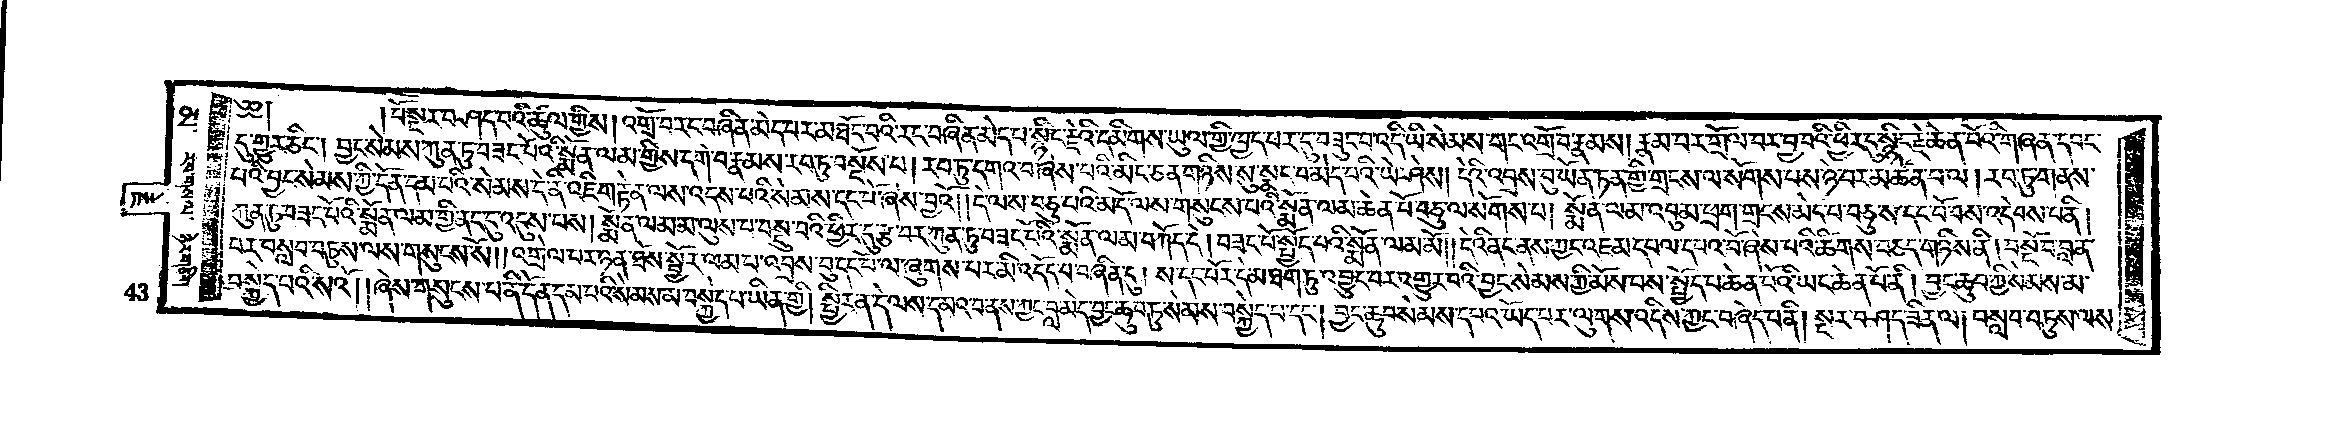༄༅། །པོ་སྔར་བཤད་པའི་ཚུལ་གྱིས། འགྲོ་བ་རང་བཞིན་མེད་པར་མཐོང་བའི་རང་བཞིན་མེད་པ་སྙིང་རྗེའི་དམིགས་ཡུལ་གྱི་ཁྱད་པར་དུ་བཟུང་བ་འདི་ཡི་སེམས་གང་འགྲོ་བ་རྣམས། རྣམ་པར་གྲོལ་བར་བྱ་བའི་ཕྱིར་དུ་སྙིང་རྗེ་ཆེན་པོའི་གཞན་དབང་
དུ་གྱུར་ཅིང་། བྱང་སེམས་ཀུན་ཏུ་བཟང་པོའི་སྨོན་ལམ་གྱིས་དགེ་བ་རྣམས་རབ་ཏུ་བསྔོས་པ། རབ་ཏུ་དགའ་བ་ཞེས་པའི་མིང་ཅན་གཉིས་སུ་སྣང་བ་མེད་པའི་ཡེ་ཤེས། དེའི་འབྲས་བུ་ཡོན་ཏན་ཀྱི་གྲངས་ལ་སོགས་པས་ཉེ་བར་མཚོན་པ་ལ། རབ་ཏུ་གནས་
པའི་བྱང་སེམས་ཀྱི་དོན་དམ་པའི་སེམས་དེ་ནི་འཇིག་རྟེན་ལས་འདས་པའི་སེམས་དང་པོ་ཞེས་བྱའོ། །དེ་ལ་ས་བཅུ་པའི་མདོ་ལས་གསུངས་པའི་སྨོན་ལམ་ཆེན་པོ་བཅུ་ལ་སོགས་པ། སྨོན་ལམ་འབུམ་ཕྲག་གྲངས་མེད་པ་བཅུ་ས་དང་བེ་བས་འདེབས་པ་ནི།
ཀུན་ཏུ་བཟང་པོའི་སྨོན་ལམ་གྱི་ནང་དུ་འདུས་པས། སྨོན་ལམ་མ་ལུས་པ་བསྡུ་བའི་ཕྱིར་དུ་རྩ་བར་ཀུན་ཏུ་བཟང་པོའི་སྨོན་ལམ་བཀོད་དེ། བཟང་པོ་སྤྱོད་པའི་སྨོན་ལམ་མོ། །དེའི་ནང་ནས་ཀྱང་འཇམ་དཔལ་དཔའ་བོ་ཞེས་པའི་ཚིགས་བཅད་གཉིས་ནི། བསྔོ་བ་བླ་ན་མེད་
པར་བསླབ་བཏུས་ལས་གསུངས་སོ། །འགྲེལ་པར་ཉན་ཐོས་སྦྱོར་ལམ་པ་འབྲས་བུ་དང་པོ་ལ་ཞུགས་པར་མི་འདོད་པ་བཞིན་དུ། ས་དང་པོར་དེ་མ་ཐག་ཏུ་འབྱུང་བར་འགྱུར་བའི་བྱང་སེམས་ཀྱི་མོས་པས་སྤྱོད་པ་ཆེན་པོའི་ཡང་ཆེན་པོ་ནི། བྱང་ཆུབ་ཀྱི་སེམས་མ་
བསྐྱེད་པའི་སའོ། །ཞེས་གསུངས་པ་ནི་དོན་དམ་པའི་སེམས་མ་བསྐྱེད་པ་ཡིན་གྱི། སྤྱིར་ན་དེ་ལས་དམའ་བ་ནས་ཀྱང་བླ་མེད་བྱང་ཆུབ་ཏུ་སེམས་བསྐྱེད་པ་དང་། བྱང་ཆུབ་སེམས་དཔའ་ཡོད་པར་ལུགས་འདིས་ཀྱང་བཞེད་པ་ནི། སྔར་བཤད་ཟིན་ལ། བསླབ་བཏུས་ལས་